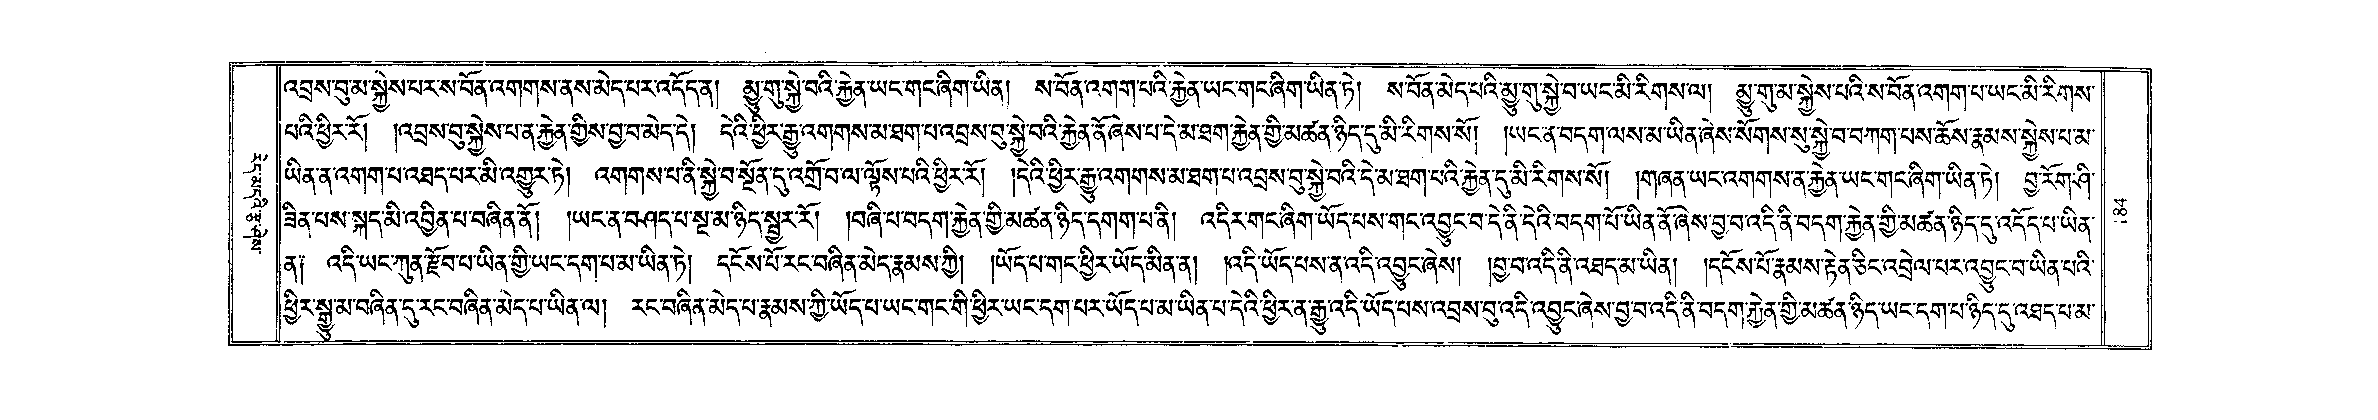འབྲས་བུ་མ་སྐྱེས་པར་ས་བོན་འགགས་ནས་མེད་པར་འདོད་ན། མྱུ་གུ་སྐྱེ་བའི་རྐྱེན་ཡང་གང་ཞིག་ཡིན། ས་བོན་འགག་པའི་རྐྱེན་ཡང་གང་ཞིག་ཡིན་ཏེ། ས་བོན་མེད་པའི་མྱུ་གུ་སྐྱེ་བ་ཡང་མི་རིགས་ལ། མྱུ་གུ་མ་སྐྱེས་པའི་ས་བོན་འགག་པ་ཡང་མི་རིགས་
པའི་ཕྱིར་རོ། །འབྲས་བུ་སྐྱེས་པ་ན་རྐྱེན་གྱིས་བྱ་བ་མེད་དེ། དེའི་ཕྱིར་རྒྱུ་འགགས་མ་ཐག་པ་འབྲས་བུ་སྐྱེ་བའི་རྐྱེན་ནོ་ཞེས་པ་དེ་མ་ཐག་རྐྱེན་གྱི་མཚན་ཉིད་དུ་མི་རིགས་སོ། །ཡང་ན་བདག་ལས་མ་ཡིན་ཞེས་སོགས་སུ་སྐྱེ་བ་བཀག་པས་ཆོས་རྣམས་སྐྱེས་པ་མ་
ཡིན་ན་འགག་པ་འཐད་པར་མི་འགྱུར་ཏེ། འགགས་པ་ནི་སྐྱེ་བ་སྔོན་དུ་འགྲོ་བ་ལ་ལྟོས་པའི་ཕྱིར་རོ། །དེའི་ཕྱིར་རྒྱུ་འགག་མ་ཐག་པ་འབྲས་བུ་སྐྱེ་བའི་དེ་མ་ཐག་པའི་རྐྱེན་དུ་མི་རིགས་སོ། །གཞན་ཡང་འགགས་ན་རྐྱེན་ཡང་གང་ཞིག་ཡིན་ཏེ། བྱ་རོག་
མ་ཉིད་སྦྱར་རོ། །བཞི་པ་བདག་རྐྱེན་གྱི་མཚན་ཉིད་དགག་པ་ནི། འདིར་གང་ཞིག་ཡོད་པས་གང་འབྱུང་བ་དེ་ནི་དེའི་བདག་པོ་ཡིན་ནོ་ཞེས་བྱ་བ་འདི་ནི་བདག་རྐྱེན་གྱི་མཚན་ཉིད་དུ་འདོད་པ་ཡིན་
ན༑ འདི་ཡང་ཀུན་རྫོབ་པ་ཡིན་གྱི་ཡང་དག་པ་མ་ཡིན་ཏེ། དངོས་པོ་རང་བཞིན་མེད་རྣམས་ཀྱི། །ཡོད་པ་གང་ཕྱིར་ཡོད་མིན་ན། །འདི་ཡོད་པས་ན་འདི་འབྱུང་ཞེས། །བྱ་བ་འདི་ནི་འཐད་མ་ཡིན། །དངོས་པོ་རྣམས་རྟེན་ཅིང་འབྲེལ་པར་འབྱུང་བ་ཡིན་པའི་
ཕྱིར་སྒྱུ་མ་བཞིན་དུ་རང་བཞིན་མེད་པ་ཡིན་ལ། རང་བཞིན་མེད་པ་རྣམས་ཀྱི་ཡོད་པ་ཡང་གང་གི་ཕྱིར་ཡང་དག་པར་ཡོད་པ་མ་ཡིན་པ་དེའི་ཕྱིར་ན་རྒྱུ་འདི་ཡོད་པས་འབྲས་བུ་འདི་འབྱུང་ཞེས་བྱ་བ་འདི་ནི་བདག་རྐྱེན་གྱི་མཚན་ཉིད་ཡང་དག་པ་ཉིད་དུ་འཐད་པ་མ་